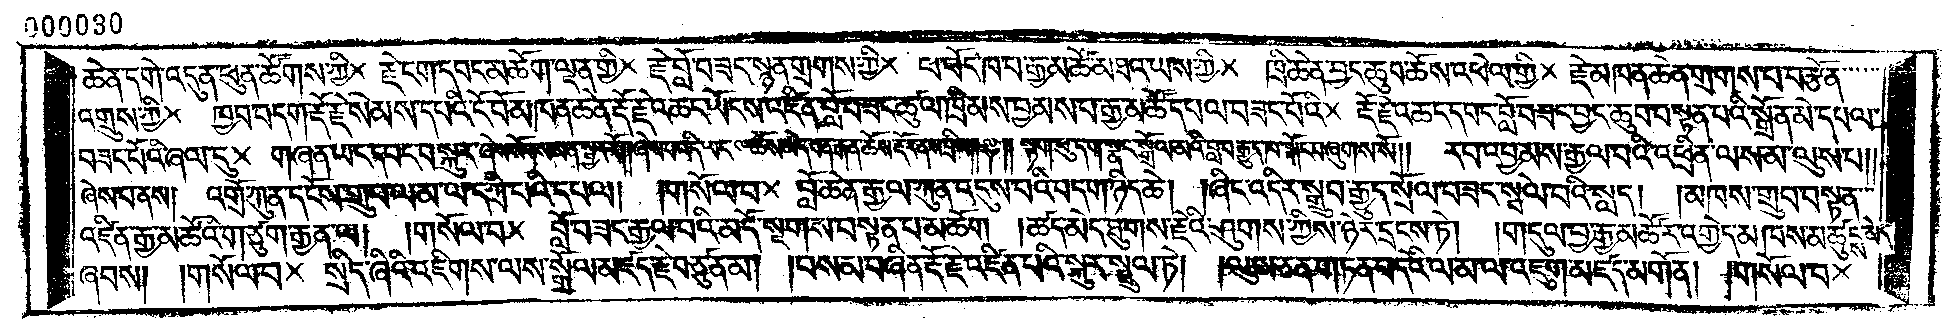ཆེན་དགེ་འདུན་ཕུན་ཚོགས་ཀྱི྾་རྗེ་ངག་དབང་མཆོག་ལྡན་གྱི྾་རྗེ་བློ་བཟང་སྙན་གྲགས་ཀྱི྾་ཕ་བོང་ཁ་པ་རྒྱ་མཚོ་མཐའ་ཡས་ཀྱི྾་ཁྲི་ཆེན་བྱང་ཆུབ་ཆོས་འཕེལ་གྱི྾་རྗེ་མཁན་ཆེན་གྲགས་པ་བརྩོན་
འགྲུས་ཀྱི྾་ཁྱབ་བདག་རྡོ་རྗེ་སེམས་དཔའི་ངོ་བོ་མཁན་ཆེན་རྡོ་རྗེ་འཆང་ཡོངས་འཛིན་བློ་བཟང་ཚུལ་ཁྲིམས་བྱམས་པ་རྒྱ་མཚོ་དཔལ་བཟང་པོའི྾་རྡོ་རྗེ་འཆང་དབང་བློ་བཟང་བྱང་ཆུབ་བསྟན་པའི་སྒྲོན་མེ་དཔལ་
བཟང་པོའི་ཞལ་དུ྾་གཞན་ཡང་དབང་བསྐུར་ཞེས་སོགས་མན་སྦྱར་རོ། །ཞེས་པ་འདི་ཡང་༧་ཆོས་མེད་བན་རྒན་ཆོས་རྡོར་ནས་བྲིས།། ༈ །།སྟག་ཕུ་དག་སྣང་སྒྲོལ་མའི་བླ་བརྒྱུད་ཁ་སྐོང་བཞུགས་སོ།།  རབ་འབྱམས་རྒྱལ་བའི་འཕྲིན་ལས་མ་ལུས་པ།།
ཞེས་པ་ནས།  འགྲོ་ཀུན་དངོས་གྲུབ་ལམ་ལ་དཀྲི་པའི་དཔལ། །གསོལ་བ྾་བློ་ཆེན་རྒྱལ་ཀུན་འདུས་པའི་བདག་ཉིད་ཆེ། །ཞིང་འདིར་སྒྲུབ་རྒྱུད་སྲོལ་བཟང་སྤེལ་བའི་སླད། །མཁས་གྲུབ་བསྟན་
འཛིན་རྒྱ་མཚོའི་གཙུག་རྒྱན་ལ། །གསོལ་བ྾་བློ་བཟང་རྒྱལ་བའི་མདོ་སྔགས་བསྟན་པ་མཆོག །ཚད་མེད་ཐུགས་རྗེའི་ཤུགས་ཀྱིས་ཉེར་དྲངས་ཏེ། །གདུལ་བྱ་རྒྱ་མཚོར་འགྱེད་མཁས་མཚུངས་མེད་
ཞབས། །གསོལ་བ྾་སྲིད་ཞིའི་འཇིགས་ལས་སྒྲོལ་མཛད་རྗེ་བཙུན་མ། །བསམ་བཞིན་རྡོ་རྗེ་འཛིན་པའི་སྐུར་སྤྲུལ་ཏེ། །ལུས་ཅན་གཏན་བདེའི་ལམ་ལ་འཇུག་མཛད་མགོན། །གསོལ་བ྾་